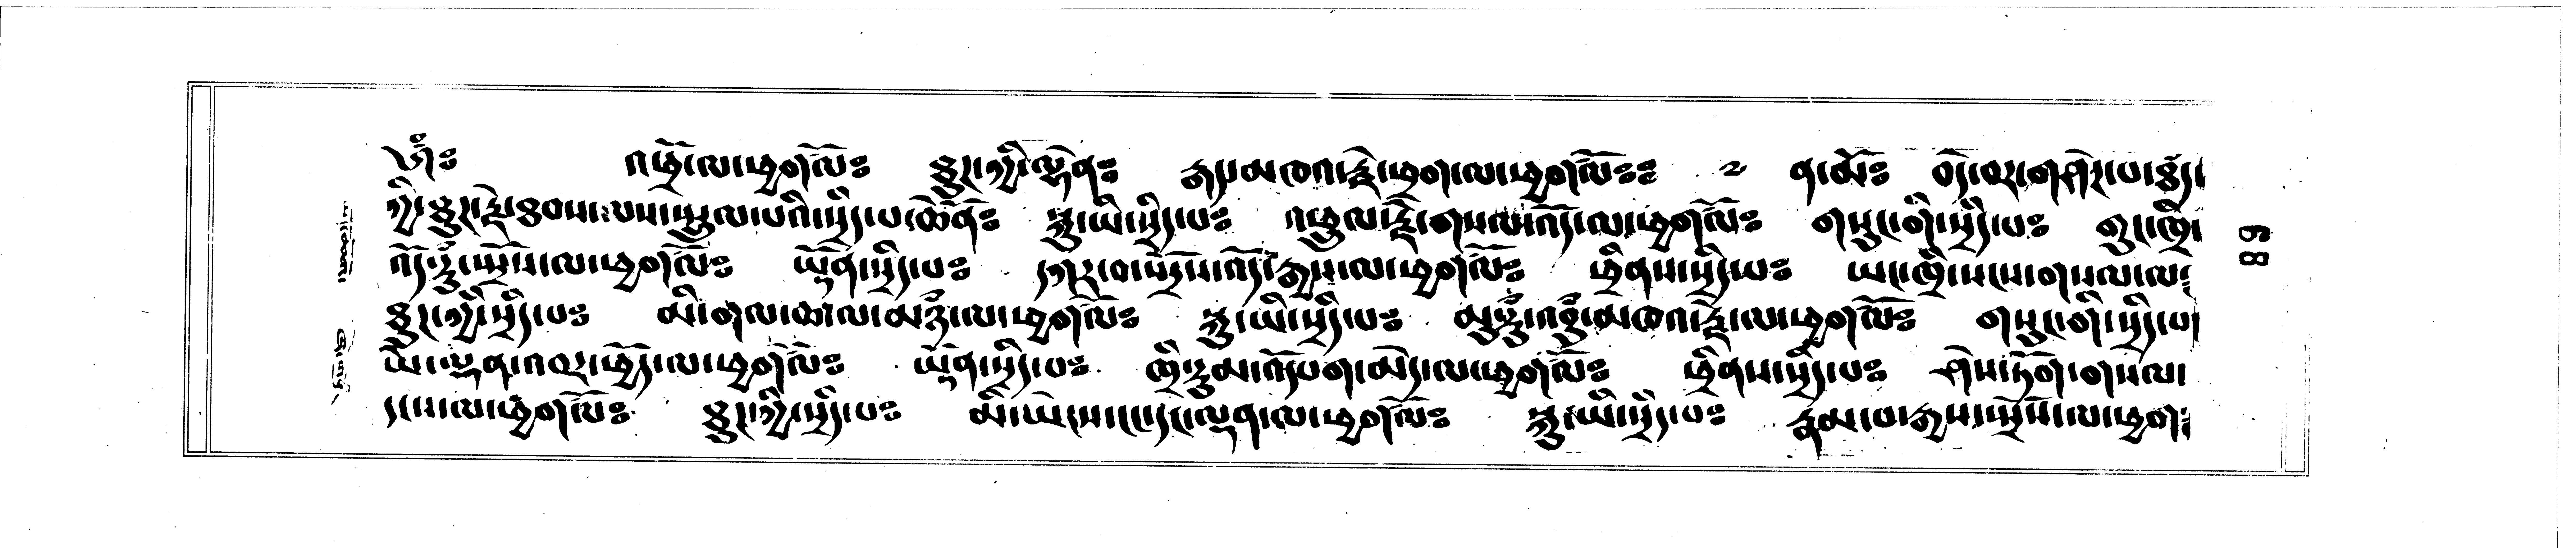འཕྲོ་ལ་ཕྱག་འཚལ་ལོཿ ཐུགས་ཀྱི་ལྷ་ཆེནཿ རྒོད་མཁའ་རྗེ་ཕྲག་ལ་ཕྱག་འཚལ་ལོཿ ན་མོ་ བདེ་བར་གཤེགས་པ་ཐམས་ཅད་
ཀྱི་ཐུགས་རྗེ་ཐབས་ལས་སྤྲུལ་པའི་སྲིད་པ་ཆེན་པོཿ སྐུ་ཡི་སྲིད་པཿ འཕྲུལ་རྗེ་གསལ་འོད་ལ་ཕྱག་འཚལ་ལོཿ གསུང་གི་སྲིད་པཿ གུང་ཁྲི་
འོད་རུམ་སྤྲོས་ལ་ཕྱག་འཚལ་ལོཿ ཡོན་ཏན་གྱི་སྲིད་པཿ དཀར་བ་སྤྲོས་འོད་རྒྱས་ལ་ཕྱག་འཚལ་ལོཿ ཕྲིན་ལས་ཀྱི་སྲིད་པཿ ཡང་ཁྲི་སངས་གསལ་ལ་ཕྱག་འཚལ་ལོཿ
ཐུགས་ཀྱི་སྲིད་པཿ མི་གལ་ཆ་ལ་མཉམ་ལ་ཕྱག་འཚལ་ལོཿ སྐུ་ཡི་སྲིད་པཿ མུ་རུམ་འབུམ་མཁའ་རྗེ་ལ་ཕྱག་འཚལ་ལོཿ གསུང་གི་སྲིད་པཿ 
ཡེ་ལྡན་འབར་ཕྱོད་པ་ལ་ཕྱག་འཚལ་ལོཿ ཡོན་ཏན་གྱི་སྲིད་པཿ ཁྲི་རུམ་འོད་དཔག་མེད་ལ་ཕྱག་འཚལ་ལོཿ ཕྲིན་ལས་ཀྱི་སྲིད་པཿ ཤེས་ཏོག་གསལ་
དང་ལ་ཕྱག་འཚལ་ལོཿ ཐུགས་ཀྱི་སྲིད་པཿ མི་ཡེངས་ངང་དང་ལྡན་ལ་ཕྱག་འཚལ་ལོཿ སྐུ་ཡི་སྲིད་པཿ རྣམ་པ་རྒྱས་སྤྲོས་ལ་ཕྱག་འཚལ་ལོཿ